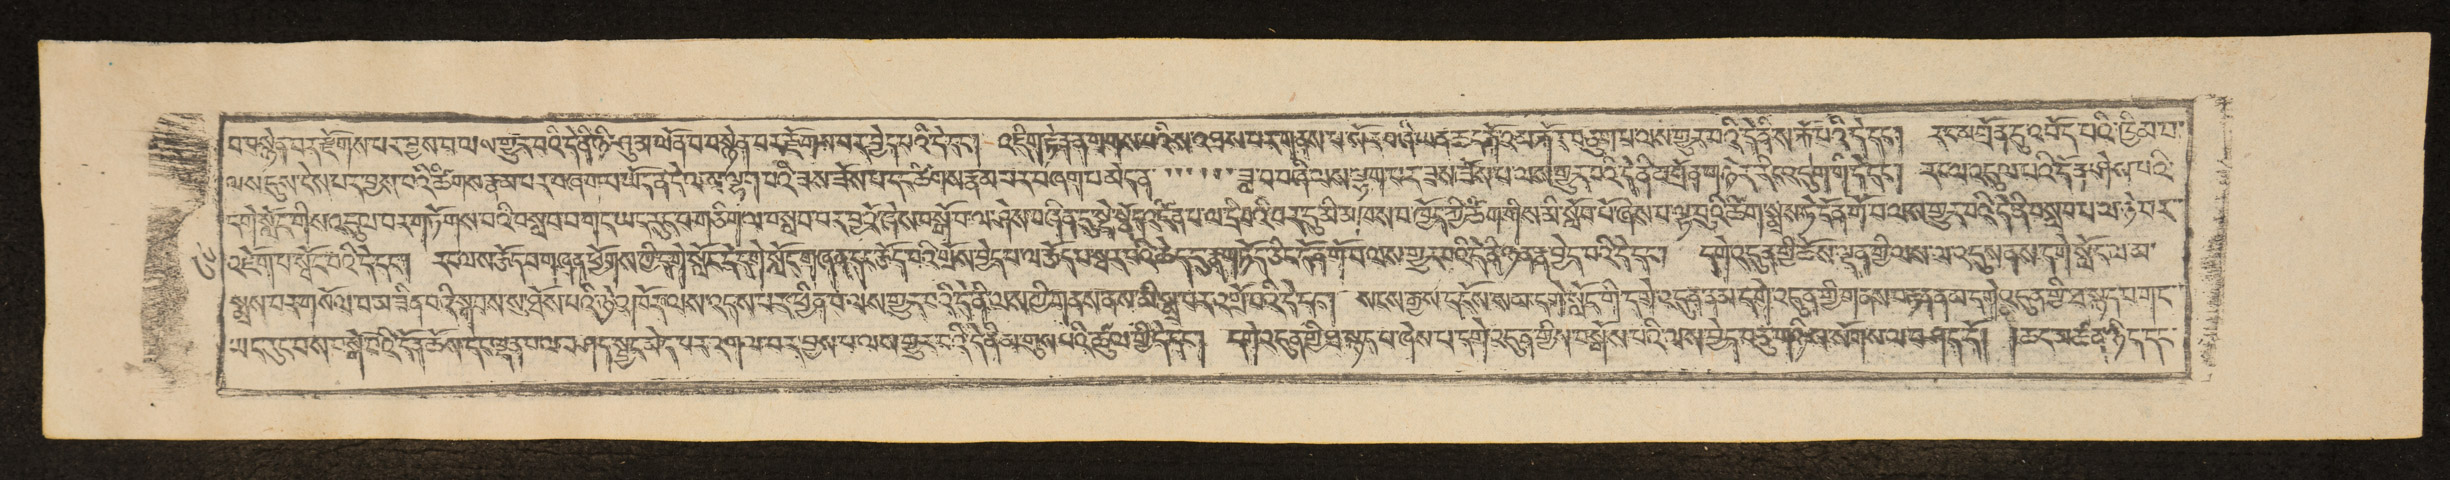བ་བསྙེན་པར་རྫོགས་པར་བྱས་པ་ལས་གྱུར་བའི་དེ་ནི་ཉི་ཤུ་མ་ལོན་པ་བསྙེན་པར་རྫོགས་པར་བྱེད་པའི་དེ་དང་། འཇིག་རྟེན་ན་གྲགས་པའི་ས་འཐས་པར་གནས་པ་སོར་བཞི་ཡན་ཆད་རྒོ་འམ་རྐོར་བཅུག་པ་ལས་གྱུར་བའི་དེ་ནི་ས་རྐོ་པའི་དེ་དང་། རང་མགྲོན་དུ་འབོད་པའི་ཁྱིམ་པ་
ལས་དུས་ངེས་པར་བྱས་པའི་ཚིགས་རྣམ་པར་བཞག་པ་ཡོད་ན་དེ་ལས་ལྷག་པའི་ཟས་ཟོས་པ་དང་ཚིགས་རྣམ་པར་བཞག་པ་མེད་ན་ཟླ་བ་བཞི་ལས་ལྷག་པར་ཟས་ཟོས་པ་ལས་གྱུར་བའི་དེ་ནི་མགྲོན་གཉེར་རིང་འདུག་གི་དེ་དང་། རང་ལ་འདུལ་པའི་དོན་ཤེས་པའི་
དགེ་སློང་གིས་འདུལ་བར་གཏོགས་པའི་བསླབ་པ་གང་ཡང་རུང་བ་གཅིག་ལ་བསླབ་པར་བྱའོ་ཞེས་བསྒོ་བ་ལ་ཤེས་བཞིན་དུ་སྡེ་སྣོད་འཛིན་པ་ལ་དྲི་བའི་བར་དུ་མི་མཁས་པ་ཁྱོད་ཀྱི་ཚིག་གིས་མི་སློབ་པོ་ཞེས་པ་ལྟ་བུའི་ཚིག་སྨྲས་ཏེ་དོན་གོ་བ་ལས་གྱུར་བའི་དེ་ནི་བསླབ་པ་ལ་ཉེ་བར་
འཇོག་པ་སྤོང་བའི་དེ་དང་། རང་ལས་རྩོད་པ་གཞན་ཕྱོགས་ཀྱི་དགེ་སློང་དེ་དགེ་སློང་གཞན་དང་རྩོད་པའི་གྲོས་བྱེད་པ་ལ་རྩོད་པ་སྤར་པའི་ཆེད་དུ་རྣ་གཏོད་ཅིང་དོན་གོ་བ་ལས་གྱུར་བའི་དེ་ནི་ཉན་རྣ་བྱེད་པའི་དེ་དང་། དགེ་འདུན་གྱི་ཆོས་ལྡན་གྱི་ལས་ལ་འདུས་ནས་དགེ་སློང་ལ་མ་
སྨྲས་པར་གསོལ་བ་མ་ཟིན་པའི་སྐབས་སུ་ཐོས་པའི་ཉེ་འཁོར་ལས་འདས་པར་ཕྱིན་པ་ལས་གྱུར་བའི་དེ་ནི་ལས་ཀྱི་གནས་ནས་མི་སྨྲ་བར་འགྲོ་བའི་དེ་དང་། སངས་རྒྱས་དངོས་སམ་དགེ་སློང་གི་དགེ་འདུན་ནམ་དགེ་འདུན་གྱི་གནས་བརྟན་ནམ་དགེ་འདུན་གྱི་ཐ་སྙད་པ་གང་
ཡང་རུང་བས་བསྒོ་བའི་དོན་ཆོས་དང་ལྡན་པ་ལ་བཤད་སྦྱང་མེད་པར་འགལ་བར་བྱས་པ་ལས་གྱུར་བའི་དེ་ནི་མ་གུས་པའི་ཚུལ་གྱི་དེ་དང་། དགེ་འདུན་གྱི་ཐ་སྙད་པ་ཞེས་པ་དགེ་འདུན་གྱིས་བསྒོས་པའི་ལས་བྱེད་བཅུ་གཉིས་སོགས་ལ་བཤད་དོ། །ཆང་མཚན་ཉིད་དང་